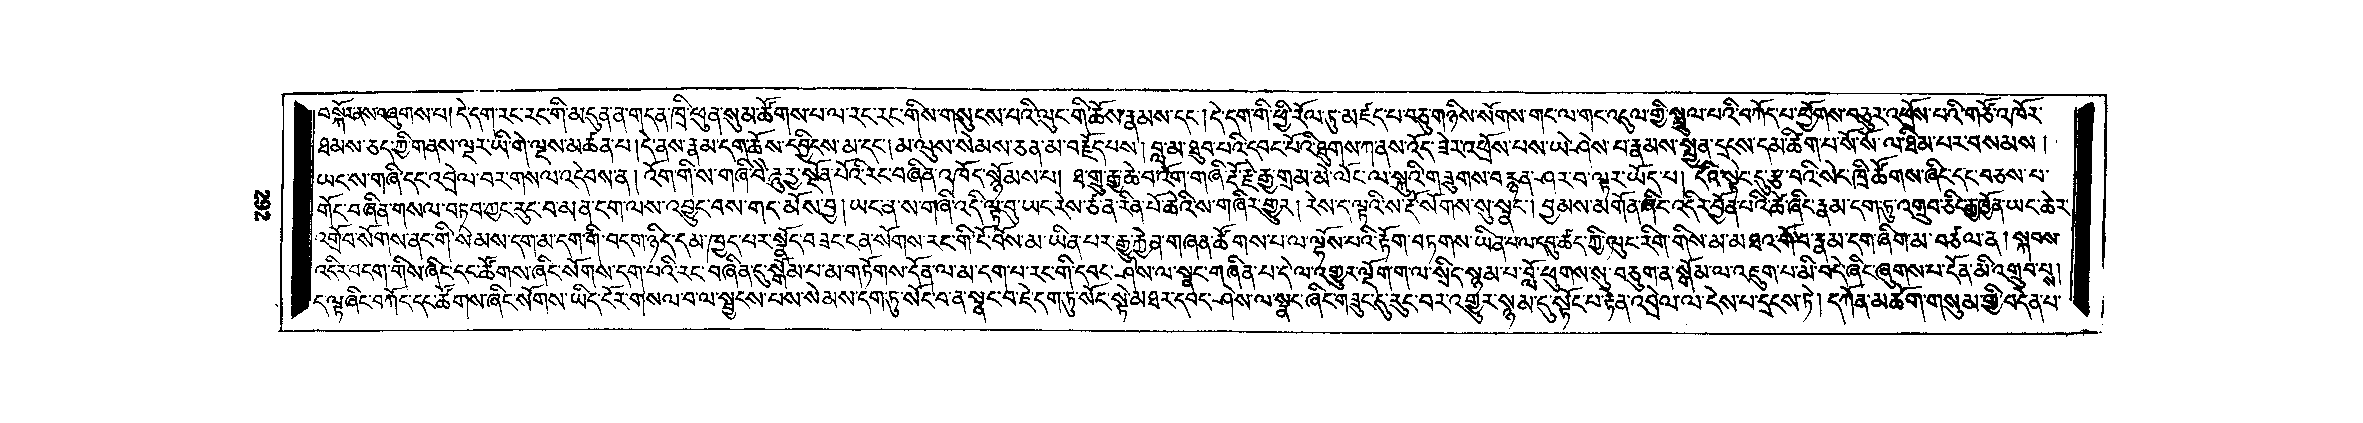བསྐོར་ནས་བཞུགས་པ། དེ་དག་རང་རང་གི་མདུན་ན་གདན་ཁྲི་ཕུན་སུམ་ཚོགས་པ་ལ་རང་རང་གིས་གསུངས་པའི་ལུང་གི་ཆོས་རྣམས་དང་། དེ་དག་གི་ཕྱི་རོལ་ཏུ་མཛད་པ་བཅུ་གཉིས་སོགས་གང་ལ་གང་འདུལ་གྱི་སྤྲུལ་པའི་བཀོད་པ་ཕྱོགས་བཅུར་འཕྲོས་པའི་གཙོ་འཁོར་
ཐམས་ཅད་ཀྱི་གནས་ལྔར་ཡི་གེ་ལྔས་མཚན་པ། དེ་ནས་རྣམ་དག་ཆོས་དབྱིངས་མ་དང་། མ་ལུས་སེམས་ཅན་མ་བརྗོད་པས། བླ་མ་ཐུབ་པའི་དབང་པོའི་ཐུགས་ཀ་ནས་འོད་ཟེར་འཕྲོས་པས་ཡེ་ཤེས་པ་རྣམས་སྤྱན་དྲངས་དམ་ཚིག་པ་སོ་སོ་ལ་ཐིམ་པར་བསམས།
ཡང་ས་གཞི་དང་འབྲེལ་བར་གསལ་འདེབས་ན། འོག་གི་ས་གཞི་བཻཌཱུརྱ་སྔོན་པོའི་རང་བཞིན་འཁོད་སྙོམས་པ། ཐ་གྲུ་རྒྱ་ཆེ་བ་འོག་གཞི་རྡོ་རྗེ་རྒྱ་གྲམ་མེ་ལོང་ལ་སྐུའི་གཟུགས་བརྙན་ཤར་བ་ལྟར་ཡོད་པ། དེའི་སྟེང་དུ་རྩ་བའི་སེང་ཁྲི་ཚོགས་ཞིང་དང་བཅས་པ་
གོང་བཞིན་གསལ་བཏབ་ཀྱང་རུང་བ་མན་ངག་ལས་འབྱུང་བས་གད་མོས་བྱ། ཡང་ན་ས་གཞི་འདི་ལྟ་བུ་ཡང་རེས་ཙ་ན་རིན་པོ་ཆེའི་ས་གཞིར་གྱུར། རེས་ད་ལྟའི་ས་རྡོ་སོགས་སུ་སྣང་། བྱམས་མགོན་ཞིང་འདིར་བྱོན་པའི་ཚེ་ཞིང་རྣམ་དག་ཏུ་འགྲུབ་ཅིང་རྒྱ་ཁྱོན་ཡང་ཆེར་
འགྲོ་བ་སོགས་ནང་གི་སེམས་དག་མ་དག་གི་བདག་ཉིད་དམ་ཁྱད་པར་སྣོད་བཟང་ངན་སོགས་རང་གི་ངོ་བོས་མ་ཡིན་པར་རྒྱུ་རྐྱེན་གཞན་ཚོགས་པ་ལ་ལྷོས་པའི་རྟོག་བཏགས་ཡིན་པ་ལ་དབུ་ཚད་ཀྱི་ལུང་རིག་གིས་མ་མཐའ་གོ་བ་རྣམ་དག་ཞིག་མ་བཙལ་ན། སྐབས་
འདིར་བདག་གིས་ཞིང་དང་ཚོགས་ཞིང་སོགས་དག་པའི་རང་བཞིན་དུ་སྒོམ་པ་མ་གཏོགས་དོན་ལ་མ་དག་པ་རང་གི་དབང་ཤེས་ལ་སྣང་གཞིན་པ་དེ་ལ་འགྱུར་ལྡོག་ག་ལ་སྲིད་སྙམ་པ་བློ་ཕུགས་སུ་བཅུག་ན་སྒོམ་ལ་འཇུག་པ་མི་བདེ་ཞིང་ཞུགས་པ་དོན་མི་འགྲུབ་པས།
ད་ལྟ་ཞིང་བཀོད་དང་ཚོགས་ཞིང་སོགས་ཡིད་ངོར་གསལ་བ་ལ་སྦྱངས་པས་སེམས་དག་ཏུ་སོང་བ་ན་སྣང་བ་ཇེ་དག་ཏུ་སོང་སྟེ་མཐར་དབང་ཤེས་ལ་སྣང་ཞིང་གཟུང་དུ་རུང་བར་འགྱུར་སྙམ་དུ་སྟོང་པ་རྟེན་འབྲེལ་ལ་ངེས་པ་དྲངས་ཏེ། དཀོན་མཆོག་གསུམ་གྱི་བདེན་པ་